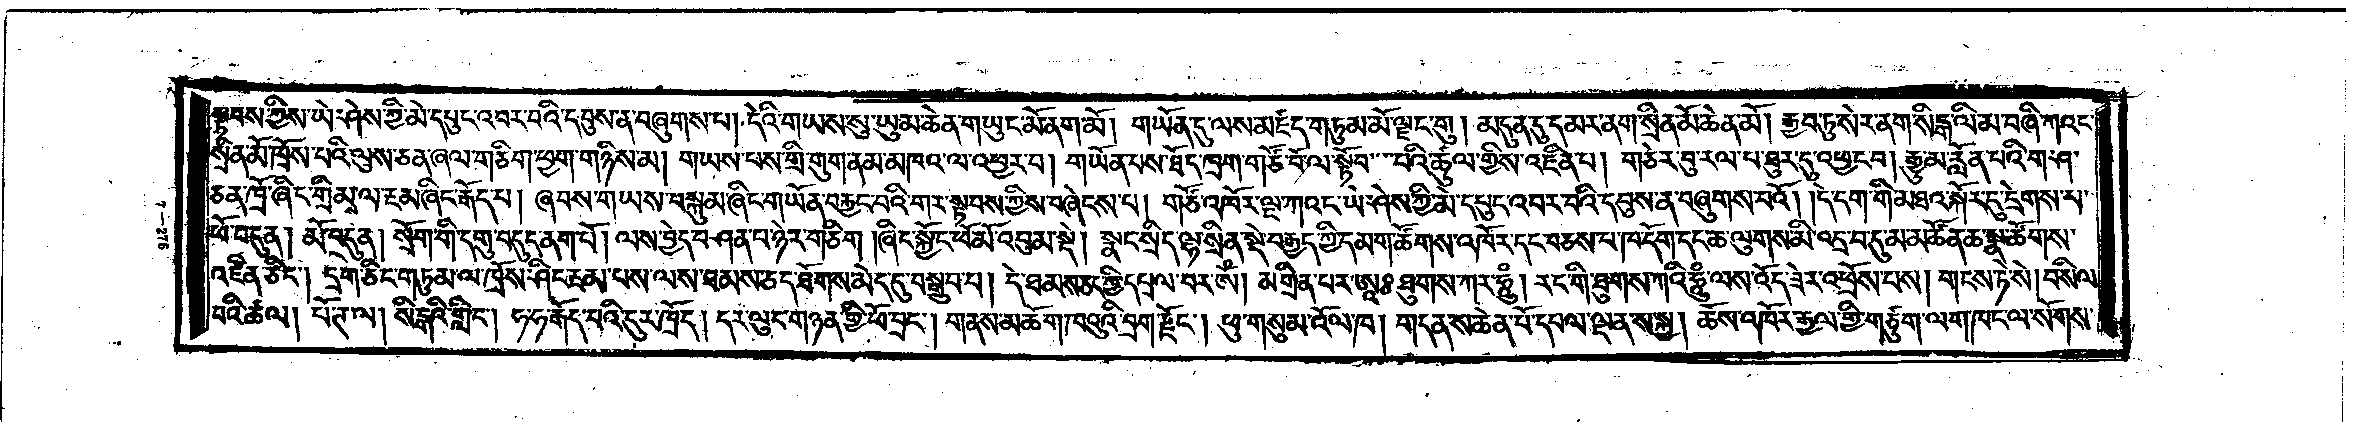སྟབས་ཀྱིས་ཡེ་ཤེས་ཀྱི་མེ་དཔུང་འབར་བའི་དབུས་ན་བཞུགས་པ། དེའི་གཡས་སུ་ཡུམ་ཆེན་གཡུང་མོ་ནག་མོ། གཡོན་དུ་ལས་མཛད་གཏུམ་མོ་ལྗང་གུ། མདུན་དུ་དམར་ནག་སྲིན་མོ་ཆེན་མོ། རྒྱབ་ཏུ་སེར་ནག་སིངྒ་ལིམ་བཞི་ཀའང་
སྲིན་མོ་ཁྲོས་པའི་ལུས་ཅན་ཞལ་གཅིག་ཕྱག་གཉིས་མ། གཡས་པས་གྲི་གུག་ནམ་མཁའ་ལ་འཕྱར་བ། གཡོན་པས་ཐོད་ཁྲག་གཙོ་བོ་ལ་སྟོབ་པའི་ཚུལ་གྱིས་འཛིན་པ། གཅེར་བུ་རལ་པ་ཐུར་དུ་འཕྱང་བ། རྒྱུ་མ་རློན་པའི་ག་ཤ་
ཅན་ཁྲོ་ཞིང་གྲིམས་ལ་རྔམ་ཞིང་རྒོད་པ། ཞབས་གཡས་བསྐུམ་ཞིང་གཡོན་བརྐྱང་བའི་གར་སྟབས་ཀྱིས་བཞེངས་པ། གཙོ་འཁོར་ལྔ་ཀའང་ཡེ་ཤེས་ཀྱི་མེ་དཔུང་འབར་བའི་དབུས་ན་བཞུགས་པའོ། །དེ་དག་གི་མཐའ་སྐོར་དུ་དྲེགས་པ་
ཕོ་བདུན། མོ་བདུན། སྲོག་གི་དགུ་བདུད་ནག་པོ། ལས་བྱེད་བཤན་པ་ཉེར་གཅིག །ཞིང་སྐྱོང་ཕོ་མོ་འབུམ་སྡེ། སྣང་སྲིད་ལྷ་སྲིན་སྡེ་བརྒྱད་ཀྱི་དམག་ཚོགས་འཁོར་དང་བཅས་པ་ཁ་དོག་དང་ཆ་ལུགས་མི་འདྲ་བ་དུ་མ་མཚོན་ཆ་སྣ་ཚོགས་
འཛིན་ཅིང་། དྲག་ཅིང་གཏུམ་ལ་ཁྲོས་ཤིང་རྔམ་པས་ལས་ཐམས་ཅད་ཐོགས་མེད་དུ་བསྒྲུབ་པ། དེ་ཐམས་ཅད་ཀྱི་དཔྲལ་བར་ཨོཾ། མགྲིན་པར་ཨཱཿ ཐུགས་ཀར་ཧཱུཾ། རང་གི་ཐུགས་ཀའི་ཧཱུཾ་ལས་འོད་ཟེར་འཕྲོས་པས། གངས་ཏེ་སེ། བསིལ་
བའི་ཚལ། པོ་ཊ་ལ། སིངྒའི་གླིང་། ཧ་ཧ་རྒོད་པའི་དུར་ཁྲོད། དར་ལུང་གཉན་གྱི་ཕོ་བྲང་། གནས་མཆོག་ཁའུའི་བྲག་རྫོང་། ཕུ་གསུམ་འོལ་ཁ། གདན་ས་ཆེན་པོ་དཔལ་ལྡན་ས་སྐྱ། ཆོས་འཁོར་རྒྱལ་གྱི་གཙུག་ལག་ཁང་ལ་སོགས་